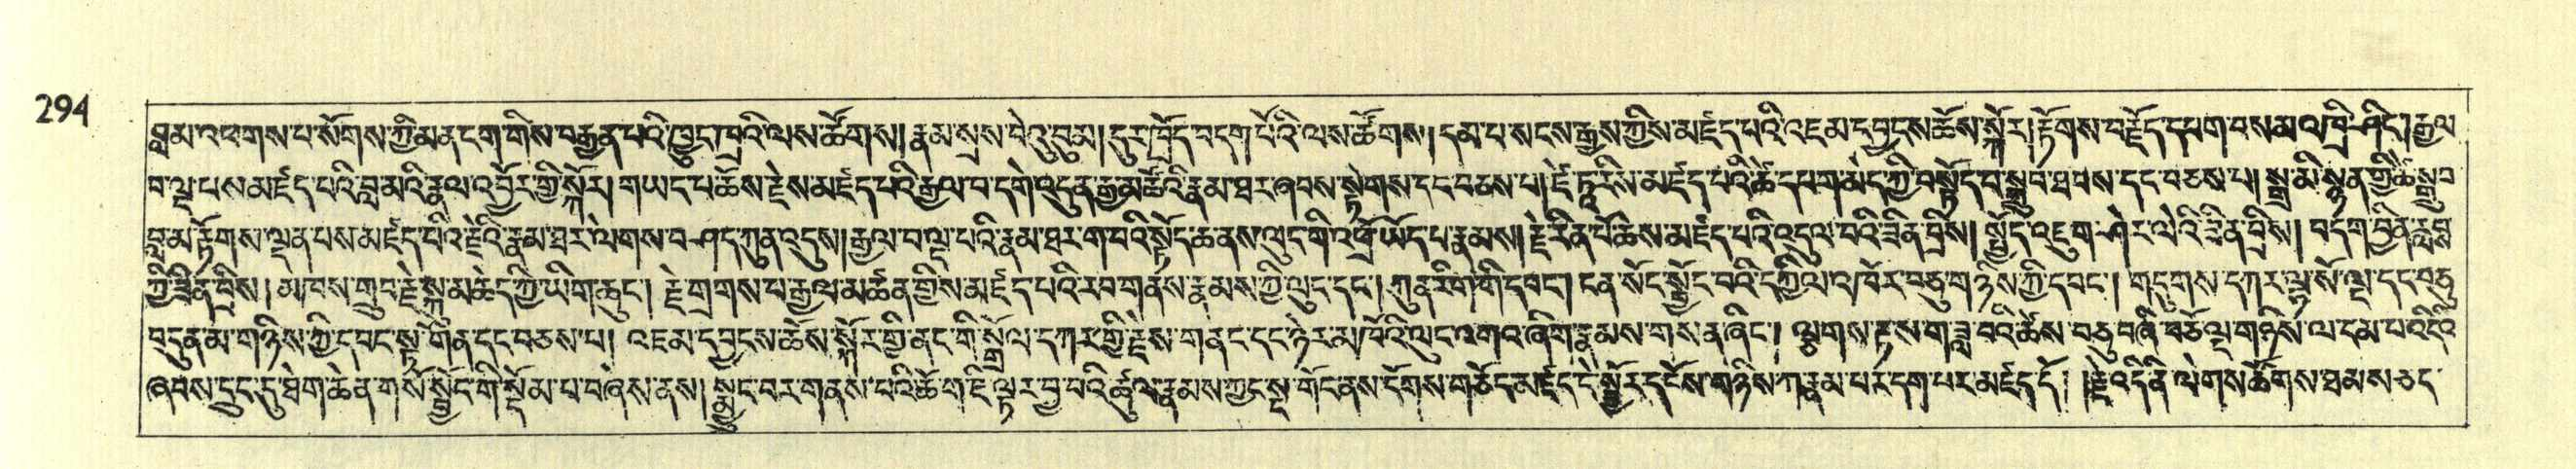བླ་མ་འཕགས་པ་སོགས་ཀྱི་མན་ངག་གིས་བརྒྱན་པའི་ཁྱུང་ཁྲའི་ལས་ཚོགས། རྣམ་སྲས་བེའུ་བུམ། དུར་ཁྲོད་བདག་པོའི་ལས་ཚོགས། དམ་པ་སངས་རྒྱས་ཀྱིས་མཛད་པའི་འཇམ་དབྱངས་ཆོས་སྐོར། རྟོགས་བརྗོད་དཔག་བསམ་འཁྲི་ཤིང་། རྒྱལ་
བ་ལྔ་པས་མཛད་པའི་བླ་མའི་རྣལ་འབྱོར་གྱི་སྐོར། གཡང་པ་ཆོས་རྗེས་མཛད་པའི་རྒྱལ་བ་དགེ་འདུན་རྒྱ་མཚོའི་རྣམ་ཐར་ཞབས་སྟེགས་དང་བཅས་པ། ཛེ་ཏཱ་རིས་མཛད་པའི་ཚེ་དཔག་མེད་ཀྱི་བསྟོད་བ་སྒྲུབ་ཐབས་དང་བཅས་པ། སྒྲ་མི་སྙན་གྱི་ཚེ་སྒྲུབ་
བླ་མ་རྟོགས་ལྡན་པས་མཛད་པའི་རྗེའི་རྣམ་ཐར་ལེགས་བཤད་ཀུན་འདུས། རྒྱལ་བ་ལྔ་པའི་རྣམ་ཐར་ག་བའི་སྟོད་ཆ་ནས་ལུང་གི་འཕྲོ་ཡོད་པ་རྣམས། རྗེ་རིན་པོ་ཆེས་མཛད་པའི་འདུལ་བའི་ཟིན་བྲིས། སྤྱོད་འཇུག་ཤེར་ལེའུ་ཟིན་བྲིས། བདག་བྱིན་རླབས་
ཀྱི་ཟིན་བྲིས། མཁས་གྲུབ་རྗེ་སྐུ་མཆེད་ཀྱི་ཡིག་ཆུང་། རྗེ་གྲགས་པ་རྒྱལ་མཚན་གྱིས་མཛད་པའི་རབ་གནས་རྣམས་ཀྱི་ལུང་དང་། ཀུན་རིག་གི་དབང་། ངན་སོང་སྦྱོང་བའི་དཀྱིལ་འཁོར་བཅུ་གཉིས་ཀྱི་དབང་། གདུགས་དཀར་ལྷ་སོ་ལྔ་དང་བཅུ་
བདུན་མ་གཉིས་ཀྱི་དབང་སྟ་གོན་དང་བཅས་པ། འཇམ་དབྱངས་ཆོས་སྐོར་གྱི་ནང་གི་སྒྲོལ་དཀར་གྱི་རྗེས་གནང་དང་ཉེར་མཁོའི་ལུང་འགའ་ཞིག་རྣམས་གསན་ཞིང་། ལྕགས་རྟ་ས་ག་ཟླ་བའི་ཚེས་བཅུ་བཞི་བཅོ་ལྔ་གཉིས་ལ་དམ་པ་འདིའི་
ཞབས་དྲུང་དུ་ཐེག་ཆེན་གསོ་སྦྱོང་གི་སྡོམ་པ་བཞེས་ནས། སྨྱུང་བར་གནས་པའི་ཆོ་ག་ཇི་ལྟར་བྱ་བའི་ཚུལ་རྣམས་ཀྱང་སྔ་གོང་ནས་དོགས་གཅོད་མཛད་དེ་སྦྱོར་དངོས་གཉིས་ཀ་རྣམ་པར་དག་པར་མཛད་དོ། །རྗེ་འདི་ནི་ལེགས་ཚོགས་ཐམས་ཅད་